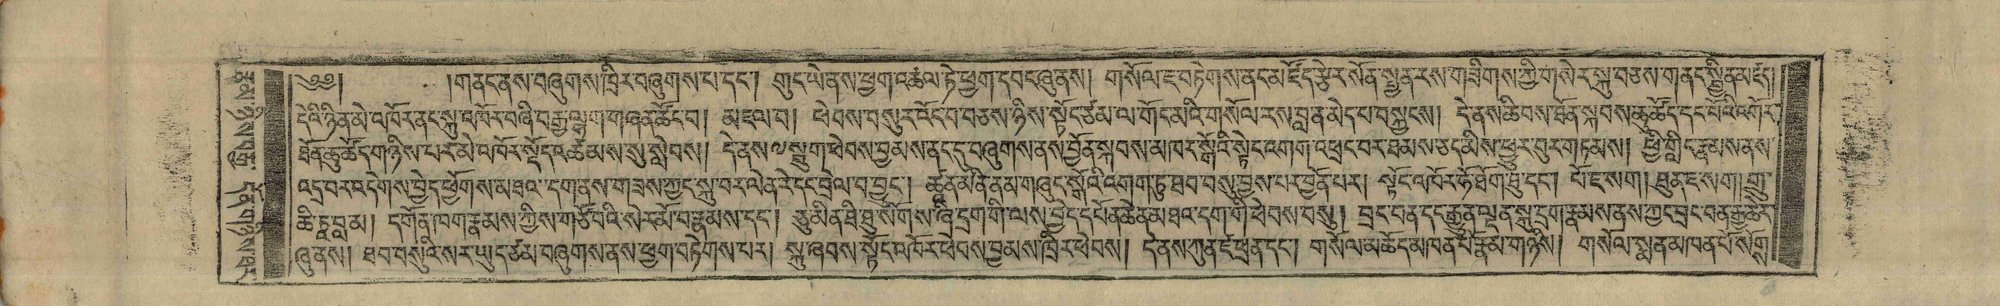༄༅། །གནང་ནས་བཞུགས་ཁྲིར་བཞུགས་པ་དང་། གུང་ཡེ་ནས་ཕྱག་འཚལ་ཏེ་ཕྱག་དབང་ཞུ་ནས། གསོལ་ཇ་བཏེགས་ནང་མཛོད་རྩེར་སོན་སྤྱན་རས་གཟིགས་ཀྱི་གསེར་སྐུ་བཅས་གནང་སྦྱིན་མཛད།
དེའི་ཉིན་མེ་འཁོར་ནང་སྐུ་འཁོར་བཞི་བརྒྱ་ལྷག་གཞན་ཚོང་བ། མཇལ་བ། ཕེབས་བསུར་འོང་བ་བཅས་ཉིས་སྟོང་ཙམ་ལ་གོང་མའི་གསོལ་རས་བླ་ན་མེད་པ་བསྐྱངས། དེ་ནས་ཆིབས་ཐོན་སྐབས་ཆུ་ཚོད་དང་པོའི་འགོར་
ཐོན་ཆུ་ཚོད་གཉིས་པར་མེ་འཁོར་སྡོད་འཚམས་སུ་སླེབས། དེ་ནས་༧སྦུག་ཕེབས་བྱམས་ནང་དུ་བཞུགས་ནས་བྱོན་སྐབས་མཁར་སྒོའི་སྟེང་འགག་འཕྲང་བར་ཐམས་ཅད་མིས་ཕྱུར་བུར་གཏམས། ཕྱི་གླིང་རྣམས་ནས་
འདྲ་བར་འདེགས་བྱེད་ཕྱོགས་མཐའ་དག་ནས་གཟས་ཀྱང་སྐུ་བར་ལེན་རེ་དང་བྲེལ་བ་བྱུང་། ཚཱན་མིན་ནམ་གཞུང་སྒོའི་འགག་ཏུ་ཐབ་བསུ་བྱས་པར་བྱོན་པར། སྟོང་འཁོར་ཧོ་ཐོག་ཐུ་དང་། པོ་ཇ་སག །ཐུན་ཇ་སག །གྲུ་
ཆི་ཏཱ་བླ་མ། དགོན་ཁག་རྣམས་ཀྱིས་གཙོ་བའི་སེར་མོ་པ་རྣམས་དང་། ཅུ་མིན་ཐི་ཐུ་སོགས་ཞི་དྲག་གི་ལས་བྱེད་དཔོན་ཆེན་མཐའ་དག་གི་ཕེབས་བསུ། བྲང་བན་དང་རྒྱུན་ལྡན་སྐུ་དྲག་རྣམས་ནས་ཀྱང་བྲང་བན་རྒྱ་ཆེར་
ཞུ་ནས། ཐབ་བསུའི་སར་ཡུད་ཙམ་བཞུགས་ནས་ཕྱག་བཏེགས་པར། སྐུ་ཞབས་སྟོང་འཁོར་ཕེབས་བྱམས་ཁྲིར་ཕེབས། དེ་ནས་ཀུན་ཛ་ཕྲན་དང་། གསོལ་མཆོད་མཁན་པོ་རྣམ་གཉིས། གསོལ་སྨན་མཁན་པོ་སོགས་